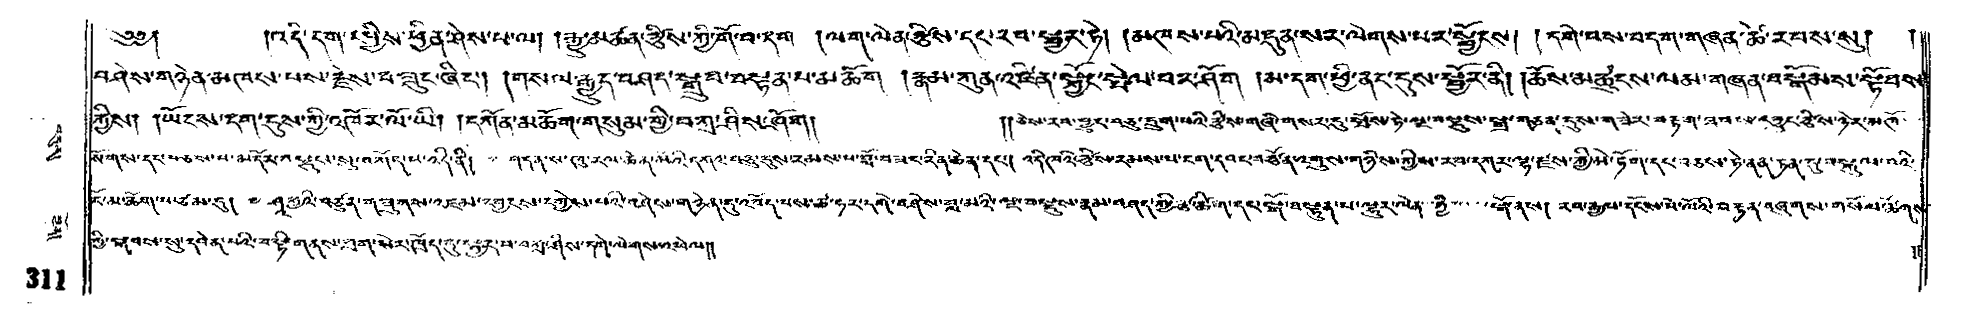༄༅། །འདི་དག་དཔྱིས་ཕྱིན་ཤེས་པ་ལ། །རྒྱུ་མཚན་རྩིས་ཀྱི་གོ་བ་དག །ལག་ལེན་རྩིས་དང་རབ་སྦྱར་ཏེ། །མཁས་པའི་མདུན་སར་ལེགས་པར་སྦྱོངས། །དགེ་བས་བདག་གཞན་ཚེ་རབས་སུ། །
བ་ཤེས་གཉེན་མཁས་པས་རྗེས་བཟུང་ཞིང་། །གསལ་རྒྱུད་བཤད་སྒྲུབ་བསྟན་པ་མཆོག །རྣམ་ཀུན་འཛིན་སྐྱོང་སྤེལ་བར་ཤོག །མ་དག་ཕྱི་ནང་དུས་སྦྱོར་ནི། །ཆོས་མཚུངས་ལམ་གཞན་བསྒོམས་སྟོབས་
ཀྱིས། །ཡོངས་དག་དུས་ཀྱི་འཁོར་ལོ་ཡི། །དཀོན་མཆོག་གསུམ་གྱི་བཀྲ་ཤིས་ཤོག།། །།ཅེས་རབ་བྱུང་བཅུ་དྲུག་པའི་རྩིས་གཞི་གསར་དུ་སྤོས་ཏེ་ལྔ་བསྡུས་སྒྲ་གཅན་དུས་གཟེར་བརྟག་ཐབས་འབྱུང་རྩིས་ཉེར་མཁོ་
སོགས་དང་བཅས་པ་མདོར་བསྡུས་སུ་བཀོད་པ་འདི་ནི། ༈ གདན་ས་ཁུ་རལ་ཆེན་མོའི་དཀའ་བཅུ་དུས་རམས་པ་བློ་བཟང་རིན་ཆེན་དང་། འདི་ཁའི་རྩིས་རམས་པ་ངག་དབང་བརྩོན་འགྲུས་གཉིས་ཀྱིས་རབ་དཀར་ལྷ་རྫས་ཀྱི་མེ་ཏོག་དང་བཅས་ཏེ་ནན་ཏན་དུ་བསྐུལ་བའི་
ངོ་མ་ཆོག་པ་ཙམ་དུ། ༧་ཤཱཀྱའི་བཙུན་གཟུགས་འཇམ་དབྱངས་དགྱེས་པའི་བཤེས་གཉེན་དུ་འབོད་པས་ཚ་ཧར་དགེ་བཤེས་བླ་མའི་ལྔ་བསྡུས་རྣམ་བཤད་ཀྱི་རྩ་ཚིག་དང་སྒོ་བསྟུན་པ་ལྷུར་ལེན་གྱི་སྒོ་ནས། རབ་རྒྱལ་དངོས་པོ་ལོའི་བརྟན་བཞུགས་གསོལ་ཚོགས་
ཀྱི་སྐབས་སུ་དབེན་པའི་བསྟི་གནས་བྲག་སེར་ཁྲོད་དུ་སྦྱར་བ་བཀྲ་ཤིས་དགེ་ལེགས་འཕེལ།། །།